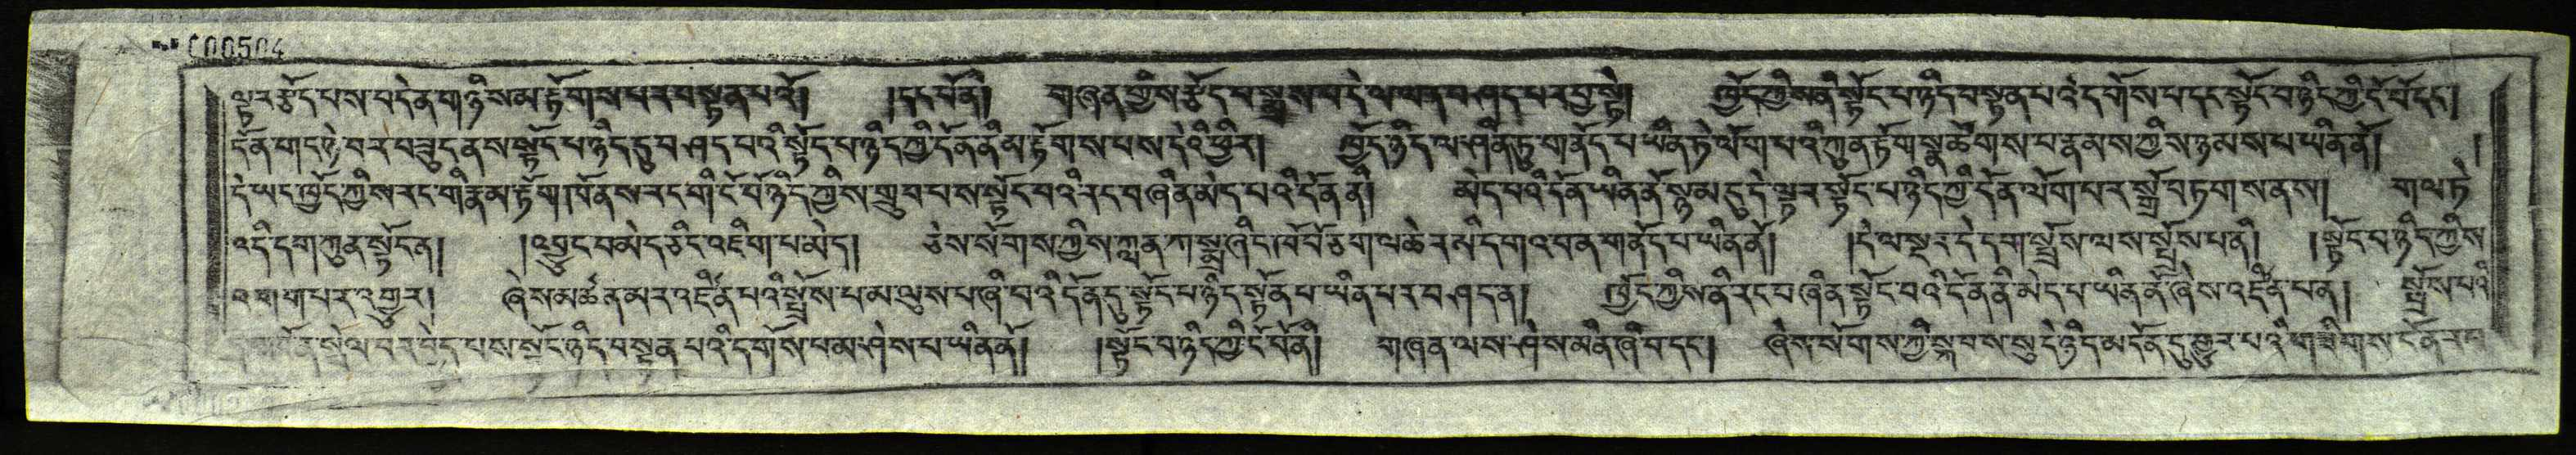ལྟར་རྩོད་པས་བདེན་གཉིས་མ་རྟོགས་པར་བསྟན་པའོ། །དང་པོ་ནི། གཞན་གྱིས་རྩོད་པ་སྨྲས་པ་དེ་ལ་ལན་བཤད་པར་བྱ་སྟེ། ཁྱོད་ཀྱི་ས་ནི་སྟོང་པ་ཉིད་བསྟན་པའི་དགོས་པ་དང་སྟོང་པ་ཉིད་ཀྱི་ངོ་བོ་དང་།
དོན་གང་ཉེ་བར་བཟུང་ནས་སྟོང་པ་ཉིད་དུ་བཤད་པའི་སྟོང་པ་ཉིད་ཀྱི་དོན་ནི་མ་རྟོགས་པས་དེའི་ཕྱིར། ཁྱོད་ཉིད་ལ་ཤིན་ཏུ་གནོད་པ་ཡིན་ཏེ་ལོག་པའི་ཀུན་རྟོག་སྣ་ཚོགས་པ་རྣམས་ཀྱིས་ཉམས་པ་ཡིན་ནོ། །
དེ་ཡང་ཁྱོད་ཀྱིས་རང་གི་རྣམ་རྟོག་ཁོ་ནས་རང་གི་ངོ་བོ་ཉིད་ཀྱིས་གྲུབ་པས་སྟོང་པའི་རང་བཞིན་མེད་པའི་དོན་ནི། མེད་པའི་དོན་ཡིན་ནོ་སྙམ་དུ་དེ་ལྟར་སྟོང་པ་ཉིད་ཀྱི་དོན་ལོག་པར་སྒྲོ་བཏགས་ནས། གལ་ཏེ་
འདི་དག་ཀུན་སྟོང་ན། །འབྱུང་བ་མེད་ཅིང་འཇིག་པ་མེད། ཅེས་སོགས་ཀྱིས་ཀླན་ཀ་སྨྲ་ཞིང་ཁོ་བོ་ཅག་ལ་ཆེར་མི་དགའ་བ་ན་གནོད་པ་ཡིན་ནོ། །དེ་ལ་སྔར་དེ་དག་སྤྲོས་ལས་སྤྲོས་པ་ནི། །སྟོང་པ་ཉིད་ཀྱིས་
འགག་པར་འགྱུར། ཞེས་མཚན་མར་འཛིན་པའི་སྤྲོས་པ་མ་ལུས་པ་ཞི་བའི་དོན་དུ་སྟོང་པ་ཉིད་སྟོན་པ་ཡིན་པར་བཤད་ན། ཁྱོད་ཀྱིས་ནི་རང་བཞིན་སྟོང་པའི་དོན་ནི་མེད་པ་ཡིན་ནོ་ཞེས་འཛིན་པ་ན། སྤྲོས་པའི་
དེ?་ཁོ་ན་སྤེལ་བར་བྱེད་པས་སྟོང་ཉིད་བསྟན་པའི་དགོས་པ་མ་ཤེས་པ་ཡིན་ནོ། །སྟོང་པ་ཉིད་ཀྱི་ངོ་བོ་ནི། གཞན་ལས་ཤེས་མིན་ཞི་བ་དང་། ཞེས་སོགས་ཀྱི་སྐབས་སུ་དེ་ཉིད་མངོན་དུ་གྱུར་པའི་གཟིགས་དོན་རབ་